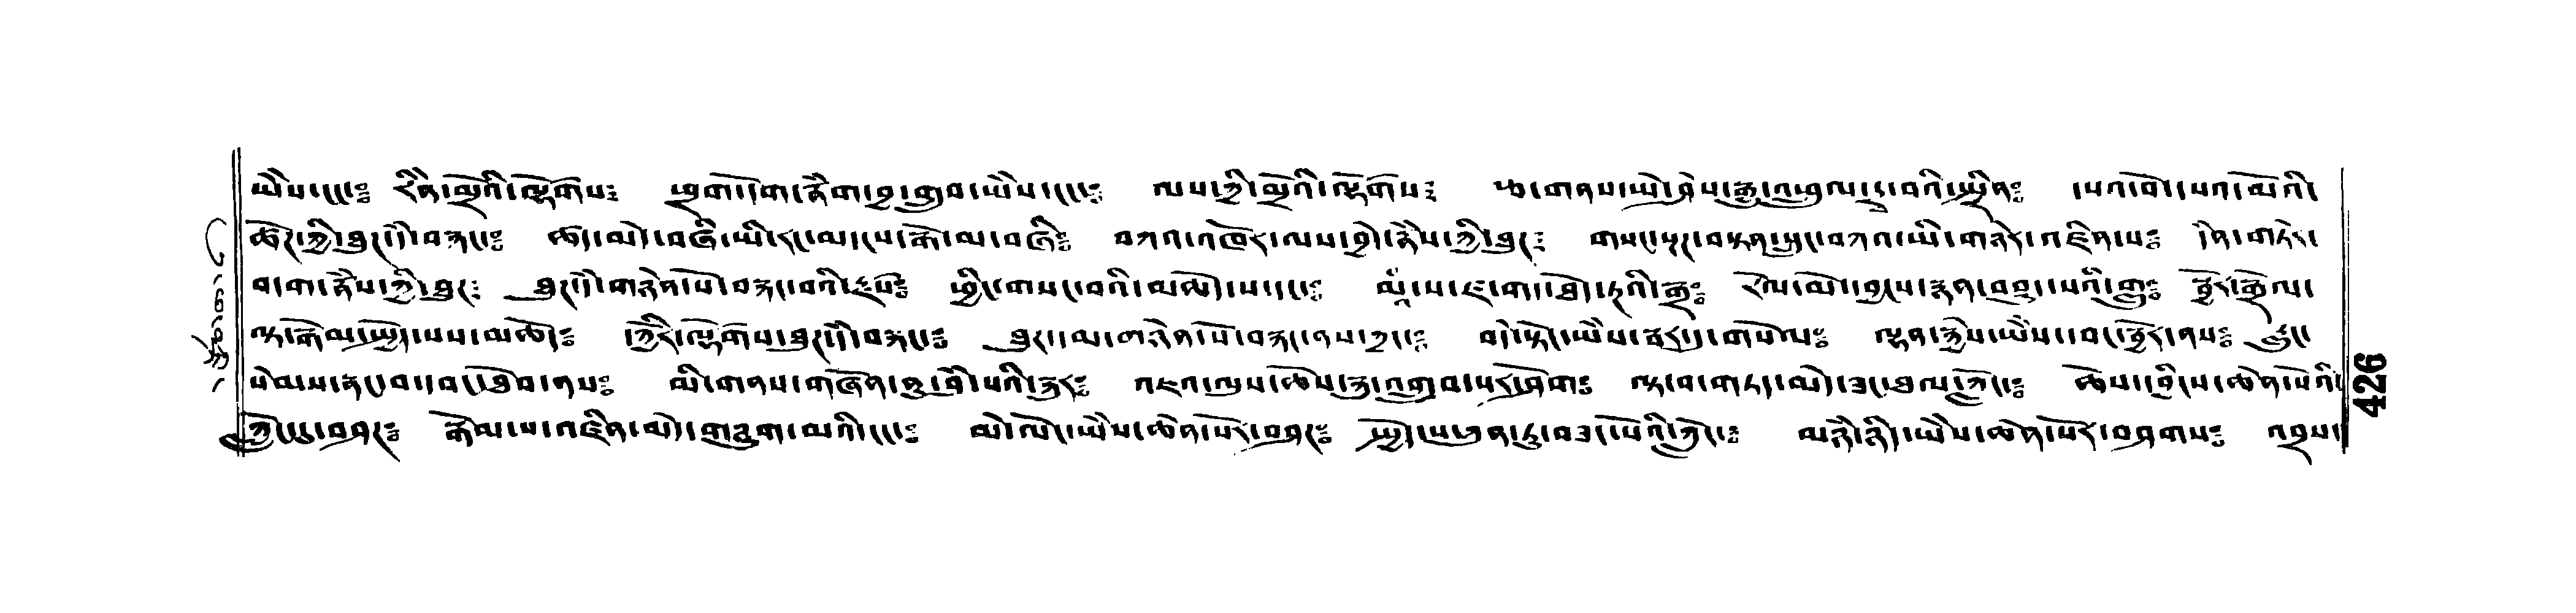ཡེ་ཤེས་ངང༔ རིན་ཆེན་མཁའ་འགྲོའི་ལྷ་ཚོགས༴ ཕྲག་དོག་རྣམ་དག་བྱ་གྲུབ་ཡེ་ཤེས་ངང༔ ལས་ཀྱི་མཁའ་འགྲོའི་ལྷ་ཚོགས༴ རྩ་གནས་ཡེ་ཤེས་སྒྱུ་འཕྲུལ་དྲྭ་བའི་སྤྲིན༔ དཔའ་བོ་དཔའ་མོའི་
ཚོགས་ཀྱི་ཐུགས་དམ་བསྐང༔ ཚད་མེད་བཞི་ཡི་རང་མདངས་སྒོ་མ་བཞི༔ བཀའ་འཁོར་ལས་བྱེད་རྣམས་ཀྱི་ཐུགས༴ གསང་སྔགས་བསྟན་སྲུང་བཀའ་ཡི་གཉེར་འཛིན་པ༔ དམ་ཅན་གཏེར་
བདག་རྣམས་ཀྱི་ཐུགས༴ ཐུགས་དམ་གཉེན་པོ་བསྐང་བའི་རྫས༔ ཕྱི་ནང་གསང་བའི་མཆོད་པ་དང༔ མཱཾ་ས་ཛ་གད་ཐོད་རྔའི་སྒྲ༔ རོལ་མོ་དབྱངས་སྙན་བཤུགས་པའི་གླུ༔ སྦྱོར་སྒྲོལ་
ལྟ་སྒོམ་སྤྱོད་པས་མཆོད༔དཀྱིལ་འཁོར་ལྷ་ཚོགས་ཐུགས་དམ་བསྐང༔ ཐུགས་དམ་གཉེན་པོ་བསྐངས་ནས་ཀྱང༔ བདེ་སྟོང་ཡེ་ཤེས་སྦར་དུ་གསོལ༔ ལྷན་སྐྱེས་ཡེ་ཤེས་དབང་འབྱོར་ནས༔ རླུང་
སེམས་སྣང་བར་དབང་ཐོབ་ཅིང༔ མི་གནས་གཞོན་དུ་བུམ་པའི་སྐུར༔ འཇའ་ལུས་ཆོས་སྐུ་འགྲུབ་པར་ཤོག༔ ལྟ་བ་གཏད་མེད་ཟང་ཐལ་ཀློང༔ ཆོས་དབྱིངས་ཆེན་པོའི་
ཀློང་དུ་བཤགས༔ སྒོམ་པ་འཛིན་མེད་གཉུག་མའི་ངང༔ མེ་ལོང་ཡེ་ཤེས་ཆེན་པོར་བཤགས༔ སྤྱོད་པ་ཀུན་ཏུ་བཟང་པོའི་ཀློང༔ མཉམ་ཉིད་ཡེ་ཤེས་ཆེན་པོར་བཤགས༔ འབྲས་